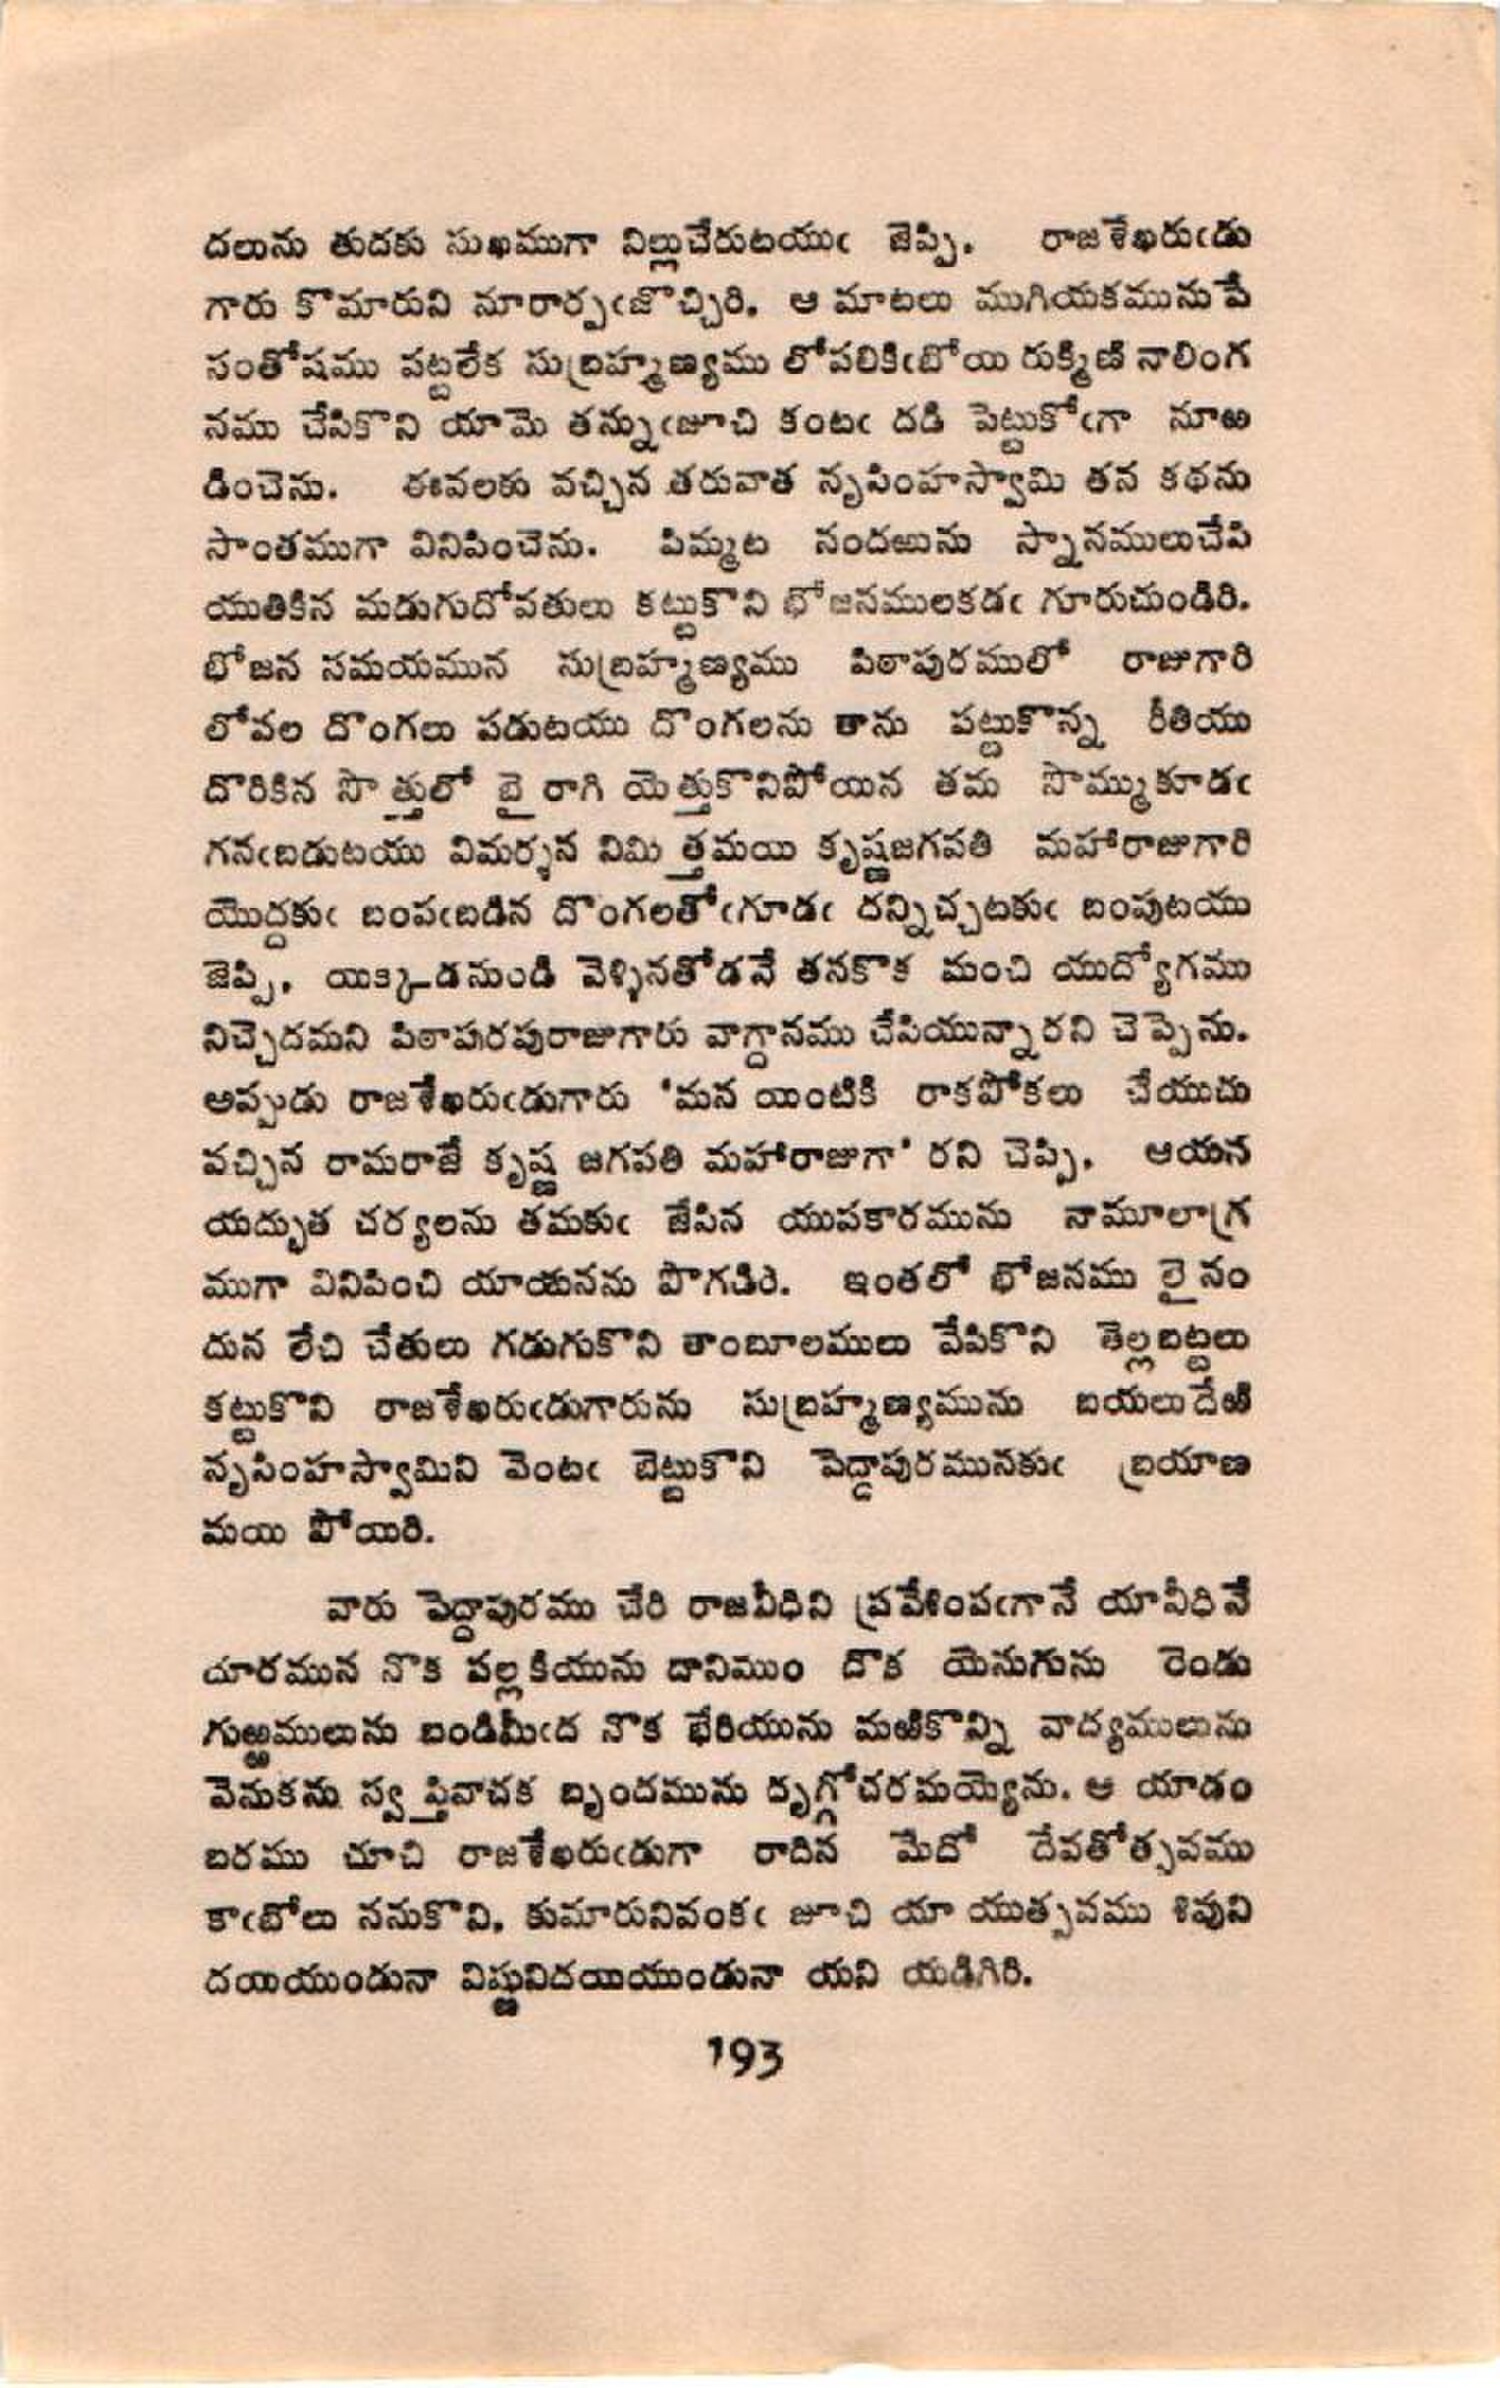దలును తుదకు సుఖముగా నిల్లుచేరుటయుఁ జెప్పి, రాజశేఖరుఁడు గారు కొమారుని నూరార్పఁజొచ్చిరి. ఆ మాటలు ముగియకమునుపే సంతోషము పట్టలేక సుబ్రహ్మణ్యము లోపలికిఁబోయి రుక్మిణి నాలింగ నము చేసికాని యామె తన్నుఁజూచి కంటఁ దడి పెట్టుకోగా నూఱడించెను. ఈవలకు వచ్చిన తరువాత నృసింహస్వామి తన కథను సాంతముగా వినిపించెను. పిమ్మట నందఱును స్నానములుచేసి యుతికిన మడుగుదోవతులు కట్టుకొని భోజనములకడఁ గూరుచుండిరి. భోజన సమయమున సుబ్రహ్మణ్యము పిఠాపురములో రాజుగారి లోపల దొంగల పడుటయు దొంగలను తాను పట్టుకొన్న రీతియు దొరికిన సొత్తులో బైరాగి యెత్తుకొనిపోయిన తమ సొమ్ముకూడఁ గనఁబడుటయు విమర్శన నిమి త్తమయి కృష్ణజగపతి మహారాజుగారి యొద్దకుఁ బంపఁబడిన దొంగలతోఁగూడఁ దన్నిచ్చటకుఁ బంపుటయు జెప్పి, యిక్కడనుండి వెళ్ళినతోడనే తనకొక మంచి యుద్యోగము నిచ్చెదమని పిఠాపురపురాజుగారు వాగ్దానము చేసియున్నారని చెప్పెను. అప్పుడు రాజశేఖరుఁడుగారు "మన యింటికి రాకపోకలు చేయుచు వచ్చిన రామరాజే కృష్ణ జగపతి మహారాజుగా" రని చెప్పి, ఆయన యద్భుత చర్యలను తమకుఁ జేసిన యుపకారమును నామూలాగ్రముగా వినిపించి యాయనను పొగడిరి. ఇంతలో భోజనము లైనందున లేచి చేతులు గడుగుకొని తాంబూలములు వేసికొని తెల్లబట్టలు కట్టుకొని రాజశేఖరుడుగారును సుబ్రహ్మణ్యమును బయలుదేఱి నృసింహస్వామిని వెంటఁ బెట్టుకొని పెద్దాపురమునకు బ్రయాణమయి మయి పోయిరి.

వారు పెద్దాపురము చేరి రాజవీధిని ప్రవేశింపఁగానే యావీధినే దూరమున నొక పల్లకియును దానిముందొక యెనుగును రెండు గుఱ్ఱములను బండిమీఁద నొక భేరియును మఱికొన్ని వాద్యములను వెనుకను స్వస్తివాచక బృందమును దృగ్గోచరమయ్యెను. ఆ యాడంబరము చూచి రాజశేఖరుఁడుగా రాదిన మేదో దేవతోత్సవము కాబోలు ననుకొని, కుమారునివంకఁ జూచి యా యుత్సవము శివుని దయియుండునా విష్ణునిదయియుండునా యని యడిగిరి.